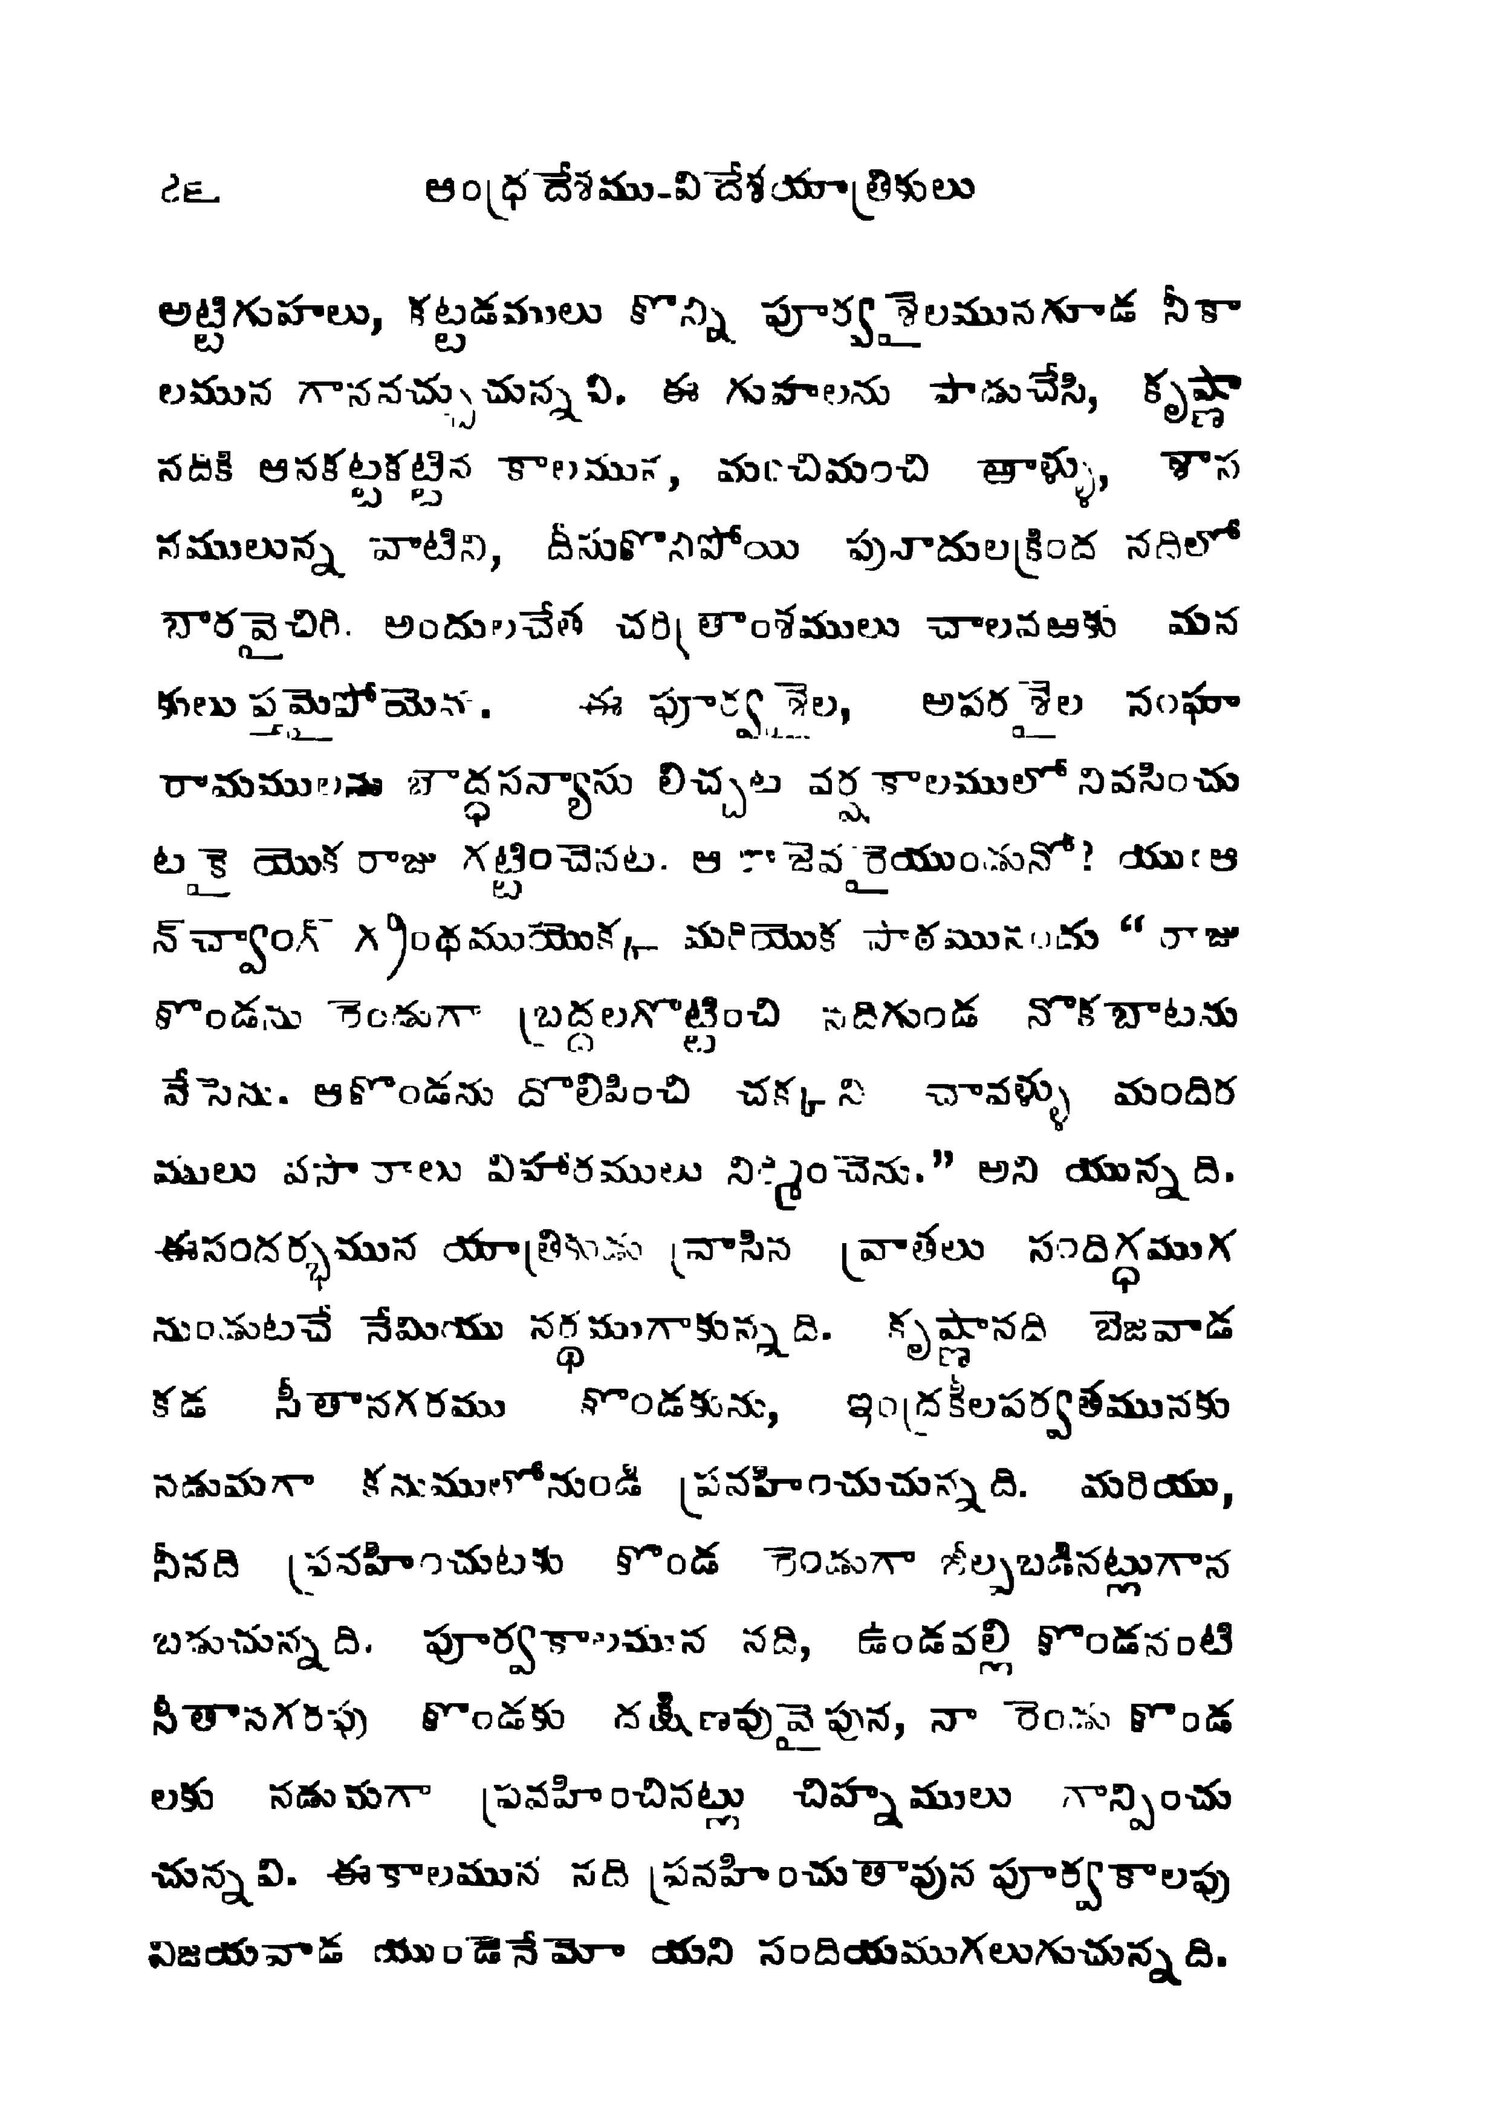అట్టిగుహలు, కట్టడములు కొన్ని పూర్వశైలమునగూడ నీకాలమున గానవచ్చుచున్నవి. ఈ గుహలను పాడుచేసి, కృష్ణానదికి ఆనకట్టకట్టిన కాలమున, మంచిమంచి ఱాళ్ళు, శాసనములున్న వాటిని, దీసుకొనిపోయి పునాదులక్రింద నదిలో బారవైచిరి. అందులచేత చరిత్రాంశములు చాలవఱకు మనకు లుప్తమైపోయెను. ఈ పూర్వశైల, అపరశైల సంఘారామములను బౌద్ధసన్యాసు లిచ్చట వర్ష కాలములో నివసించుటకై యొక రాజు గట్టించెనట. ఆరాజెవరైయుండునో? యుఆన్‌చ్వాంగ్ గ్రంథముయొక్క మరియొక పాఠమునందు "రాజు కొండను రెండుగా బ్రద్దలగొట్టించి నదిగుండ నొకబాటను వేసెను. ఆకొండను దొలిపించి చక్కని చావళ్ళు మందిరములు వసారాలు విహారములు నిర్మించెను." అని యున్నది. ఈసందర్భమున యాత్రికుడు వ్రాసిన వ్రాతలు సందిగ్ధముగ నుండుటచే నేమియు నర్థముగాకున్నది. కృష్ణానది బెజవాడ కడ సీతానగరము కొండకును, ఇంద్రకీలపర్వతమునకు నడుమగా కనుములోనుండి ప్రవహించుచున్నది. మరియు, నీనది ప్రవహించుటకు కొండ రెండుగా జీల్పబడినట్లుగానబడుచున్నది. పూర్వకాలమున నది, ఉండవల్లి కొండవంటి సీతానగరపు కొండకు దక్షిణవైపున, నా రెండు కొండలకు నడుమగా ప్రవహించినట్లు చిహ్నములు గాన్పించు చున్నవి. ఈకాలమున నది ప్రవహించుతావున పూర్వకాలపు విజయవాడ యుండెనేమో యని సందియముగలుగుచున్నది.